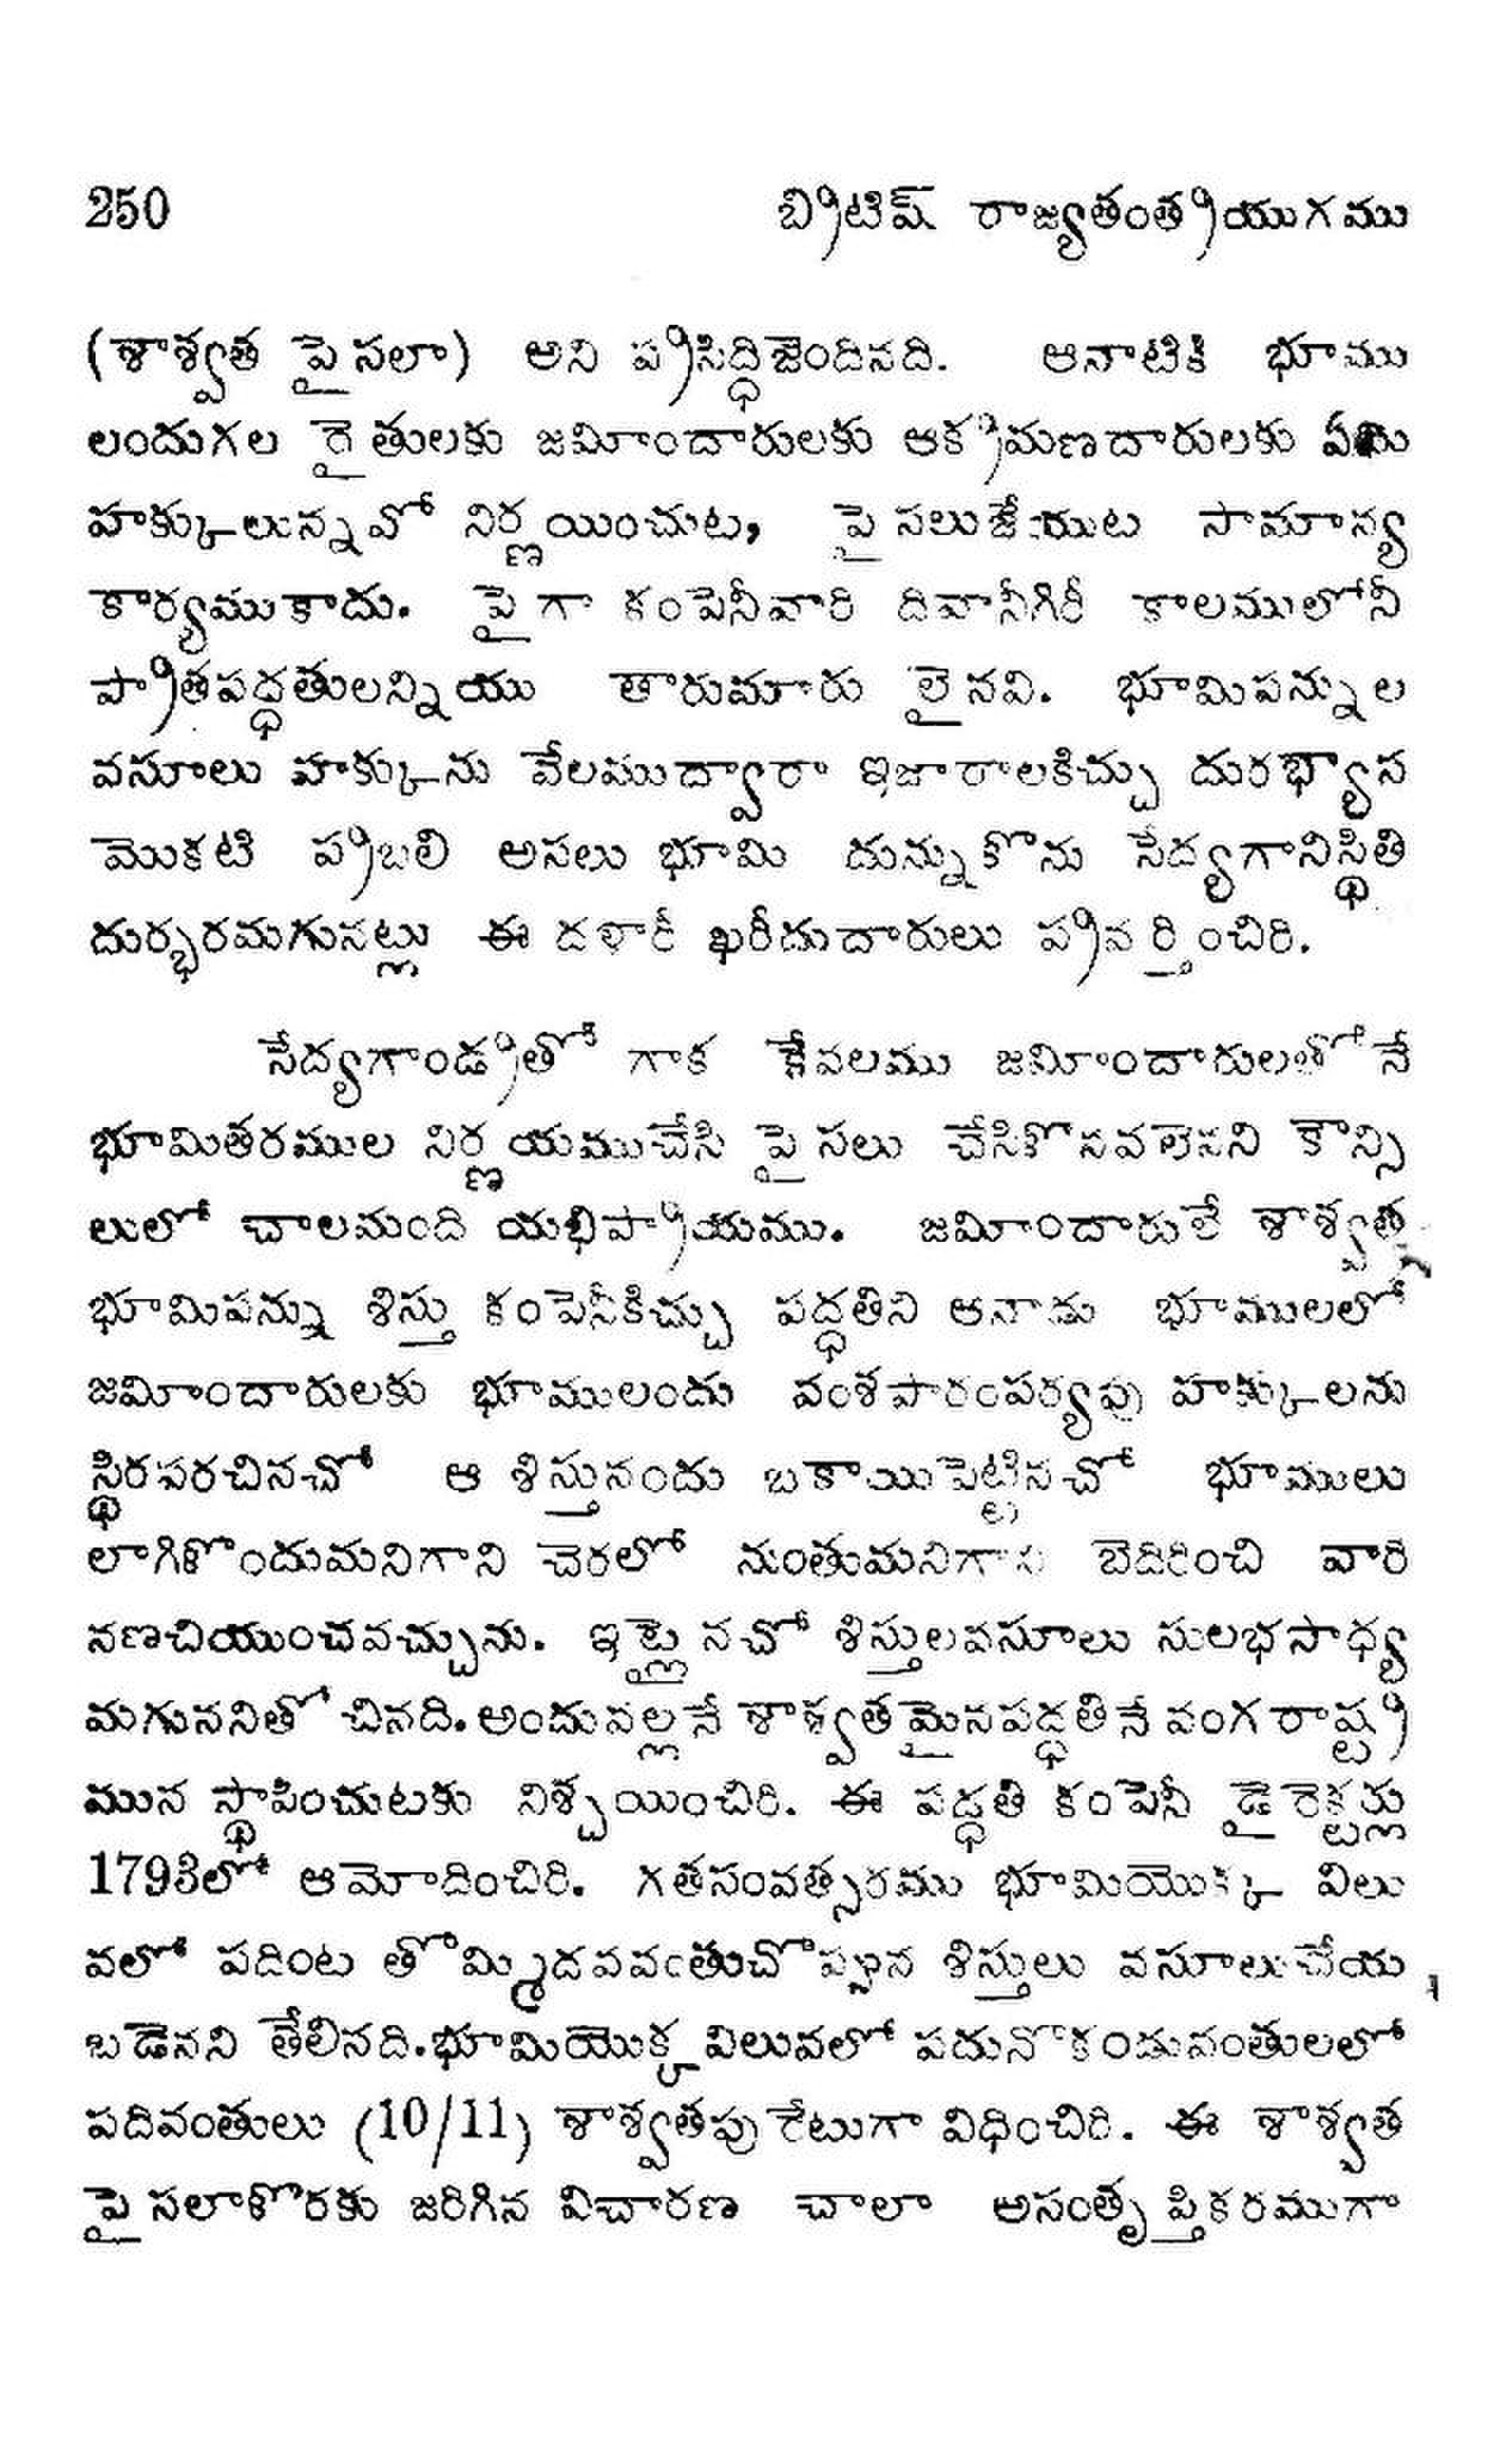(శాశ్వత పైసలా) అని ప్రసిద్దిజెందినది. ఆనాటికి భూములందుగల రైతులకు జమీందారులకు ఆక్రమణదారులకు ఏమి హక్కులున్నవో నిర్ణయించుట, పైసలుజేయుట సామాన్య కార్యముకాదు. పైగా కంపెనీవారి దివానీగిరీ కాలములోనీ ప్రాతపద్ధతులన్నియు తారుమారు లైనవి. భూమిపన్నుల వసూలు హక్కును వేలముద్వారా ఇజారాలకిచ్చు దురభ్యాస
మొకటి ప్రబలి అసలు భూమి దున్నుకొను సేద్యగానిస్థితి దుర్భరమగునట్లు ఈ దళారీ ఖరీదుదారులు ప్రవర్తించిరి. 

సేద్యగాండ్రతో గాక కేవలము జమీందారులతోనే భూమితరముల నిర్ణయముచేసి పైసలు చేసికొనవలెనని కౌన్సిలులో చాలమంది యభిప్రాయము. జమీందారులే శాశ్వత భూమిపన్ను శిస్తు కంపెనీకిచ్చు పద్దతిని ఆనాడు భూములలో జమిందారులకు భూములందు వంశపారంపర్యపు హక్కులను స్థిరపరచినచో ఆ శిస్తునందు బకాయిపెట్టినచో భూములు లాగికొందుమనిగాని చెరలో నుంతుమనిగాని బెదిరించి వారి నణచియుంచవచ్చును. ఇట్లైనచో శిస్తులవసూలు సులభసాధ్య మగుననితోచినది. అందువల్లనే శాశ్వతమైనపద్ధతినే వంగరాష్ట్రమున స్థాపించుటకు నిశ్చయించిరి. ఈ పద్ధతి కంపెనీ డైరెక్టర్లు 1793లో ఆమోదించిరి. గతసంవత్సరము భూమియొక్క విలువలో పదింట తొమ్మిదవవంతుచొప్పున శిస్తులు వసూలుచేయబడెనని తేలినది. భూమియొక్క విలువలో పదునొకండువంతులలో పదివంతులు (10/11) శాశ్వతపు రేటుగా విధించిరి. ఈ శాశ్వత పైసలాకొరకు జరిగిన విచారణ చాలా అసంతృప్తికరముగా